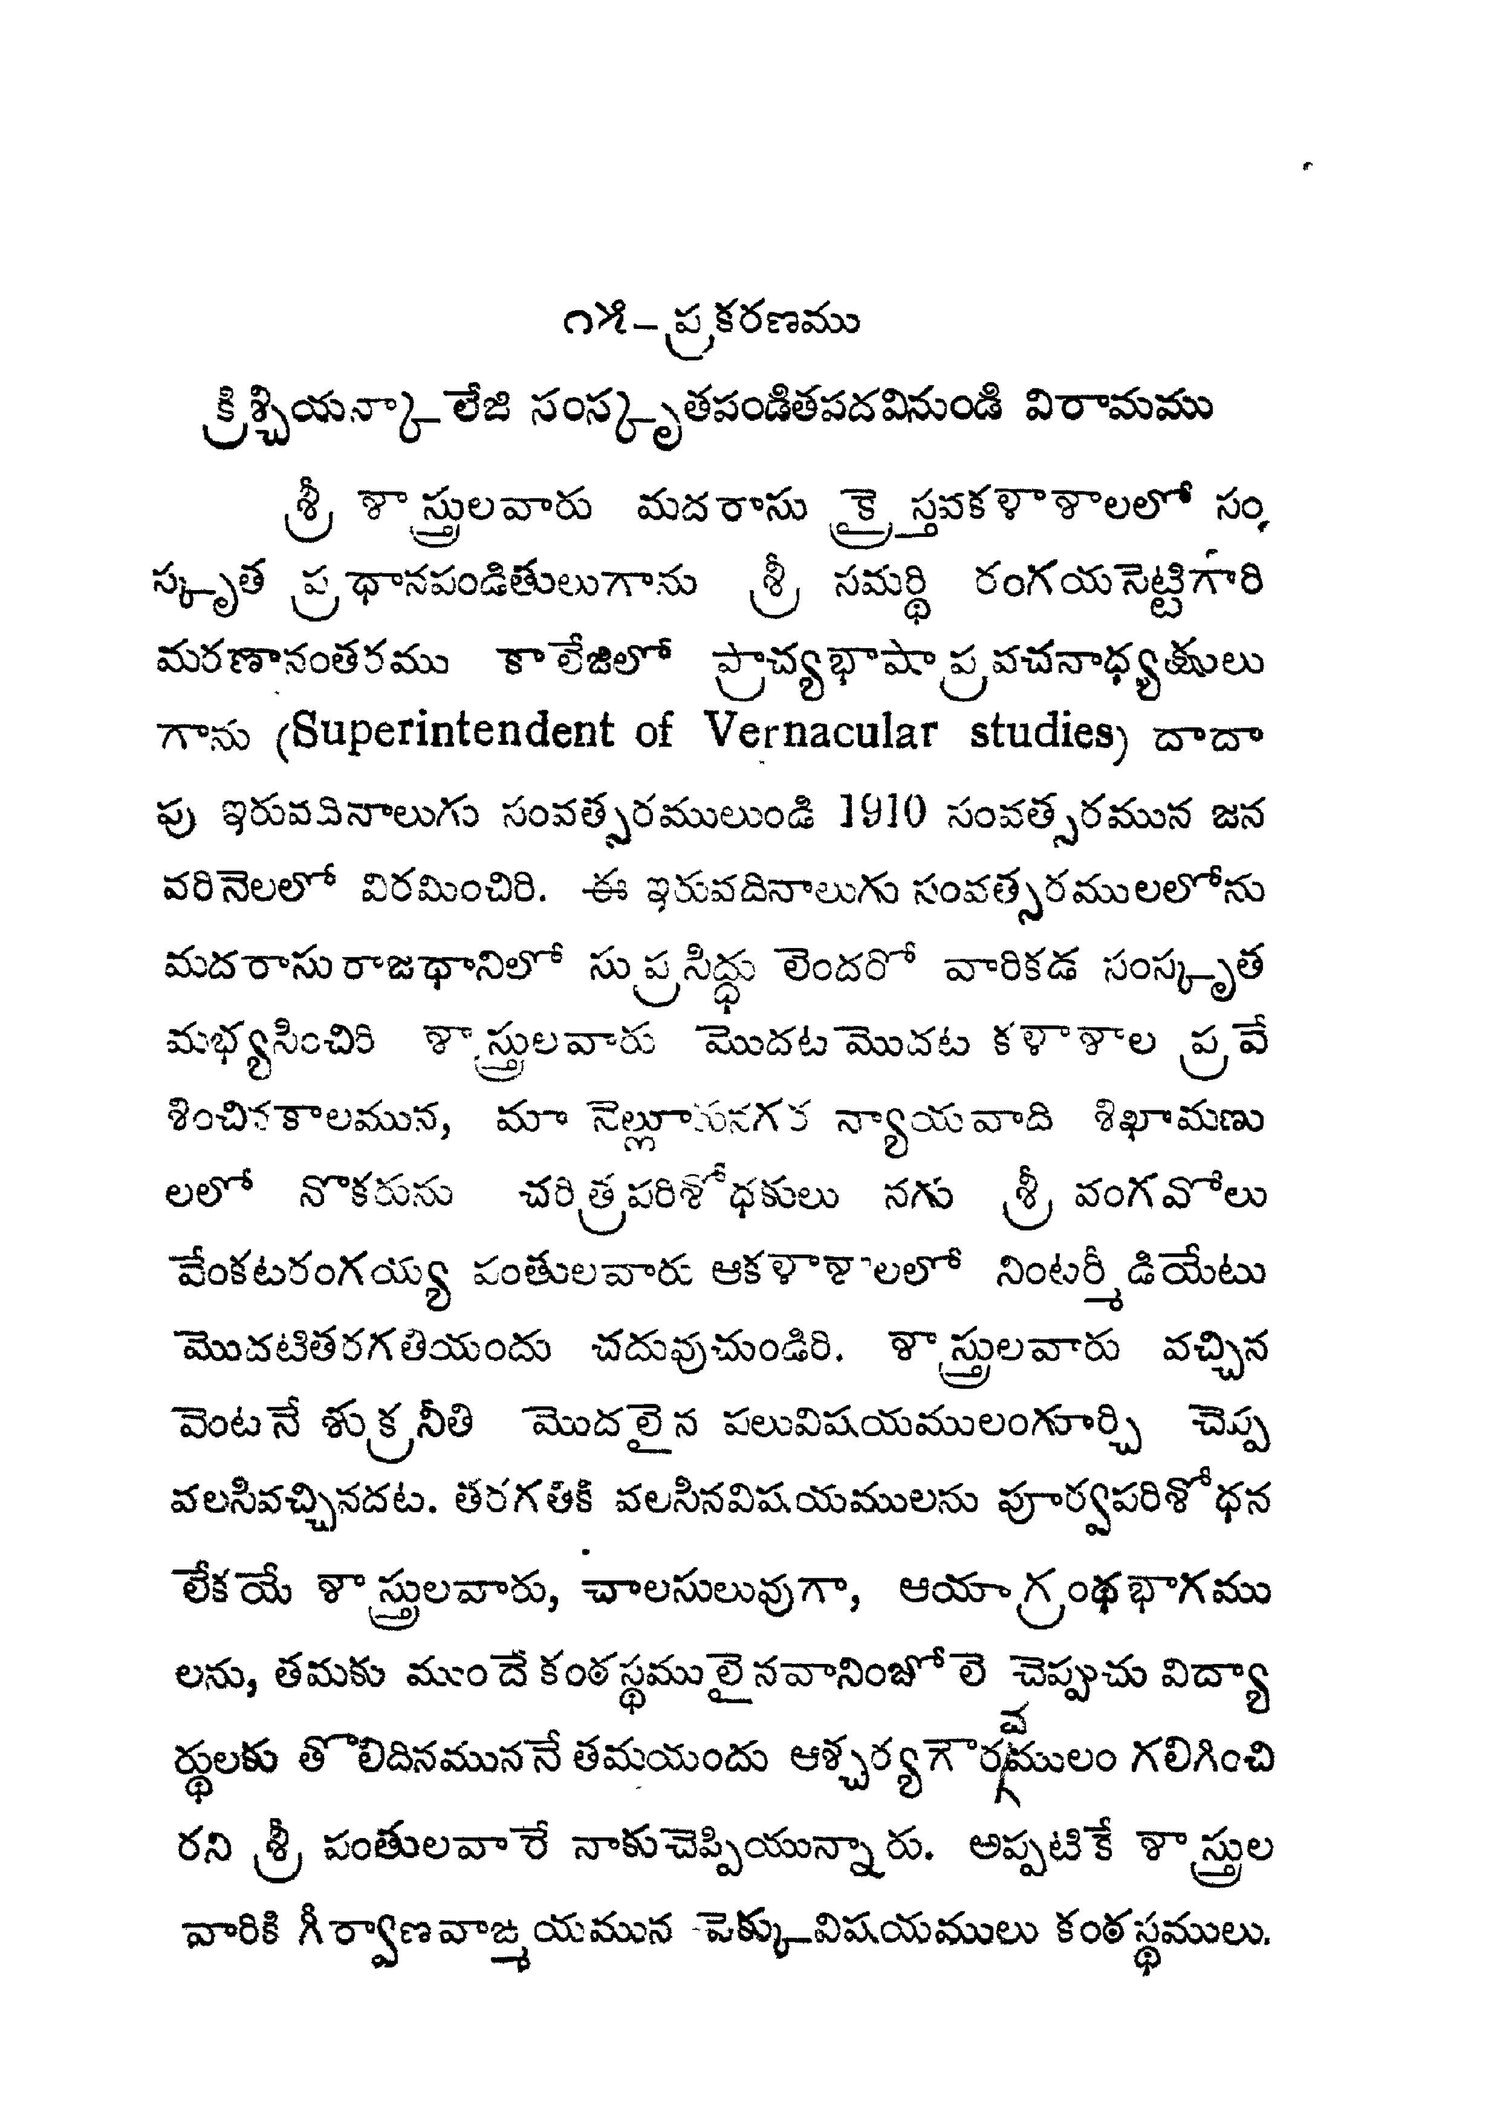శ్రీ శాస్త్రులవారు మదరాసు క్రైస్తవకళాశాలలో సంస్కృత ప్రథానపండితులుగాను శ్రీ సమర్థి రంగయసెట్టిగారి మరణానంతరము కాలేజిలో ప్రాచ్యభాషా ప్రవచనాధ్యక్షులుగాను (Superintendent of Vernacular studies) దాదాపు ఇరువదినాలుగు సంవత్సరములుండి 1910 సంవత్సరమున జనవరినెలలో విరమించిరి. ఈ ఇరువదినాలుగు సంవత్సరములలోను మదరాసురాజథానిలో సుప్రసిద్ధు లెందరో వారికడ సంస్కృత మభ్యసించిరి. శాస్త్రులవారు మొదటమొదట కళాశాల ప్రవేశించినకాలమున, మా నెల్లూరునగర న్యాయవాది శిఖామణులలో నొకరును చరిత్రపరిశోధకులు నగు శ్రీ వంగవోలు వేంకటరంగయ్య పంతులవారు ఆకళాశాలలో నింటర్మీడియేటు మొదటితరగతియందు చదువుచుండిరి. శాస్త్రులవారు వచ్చిన వెంటనే శుక్రనీతి మొదలైన పలువిషయములంగూర్చి చెప్పవలసివచ్చినదట. తరగతికి వలసినవిషయములను పూర్వపరిశోధన లేకయే శాస్త్రులవారు, చాలసులువుగా, ఆయాగ్రంథభాగములను, తమకు ముందే కఠస్థములైనవానింబోలె చెప్పుచు విద్యార్థులకు తొలిదినముననే తమయందు ఆశ్చర్యగౌరవములం గలిగించిరని శ్రీ పంతులవారే నాకుచెప్పియున్నారు. అప్పటికే శాస్త్రులవారికి గీర్వాణవాఙ్మయమున పెక్కువిషయములు కంఠస్థములు.